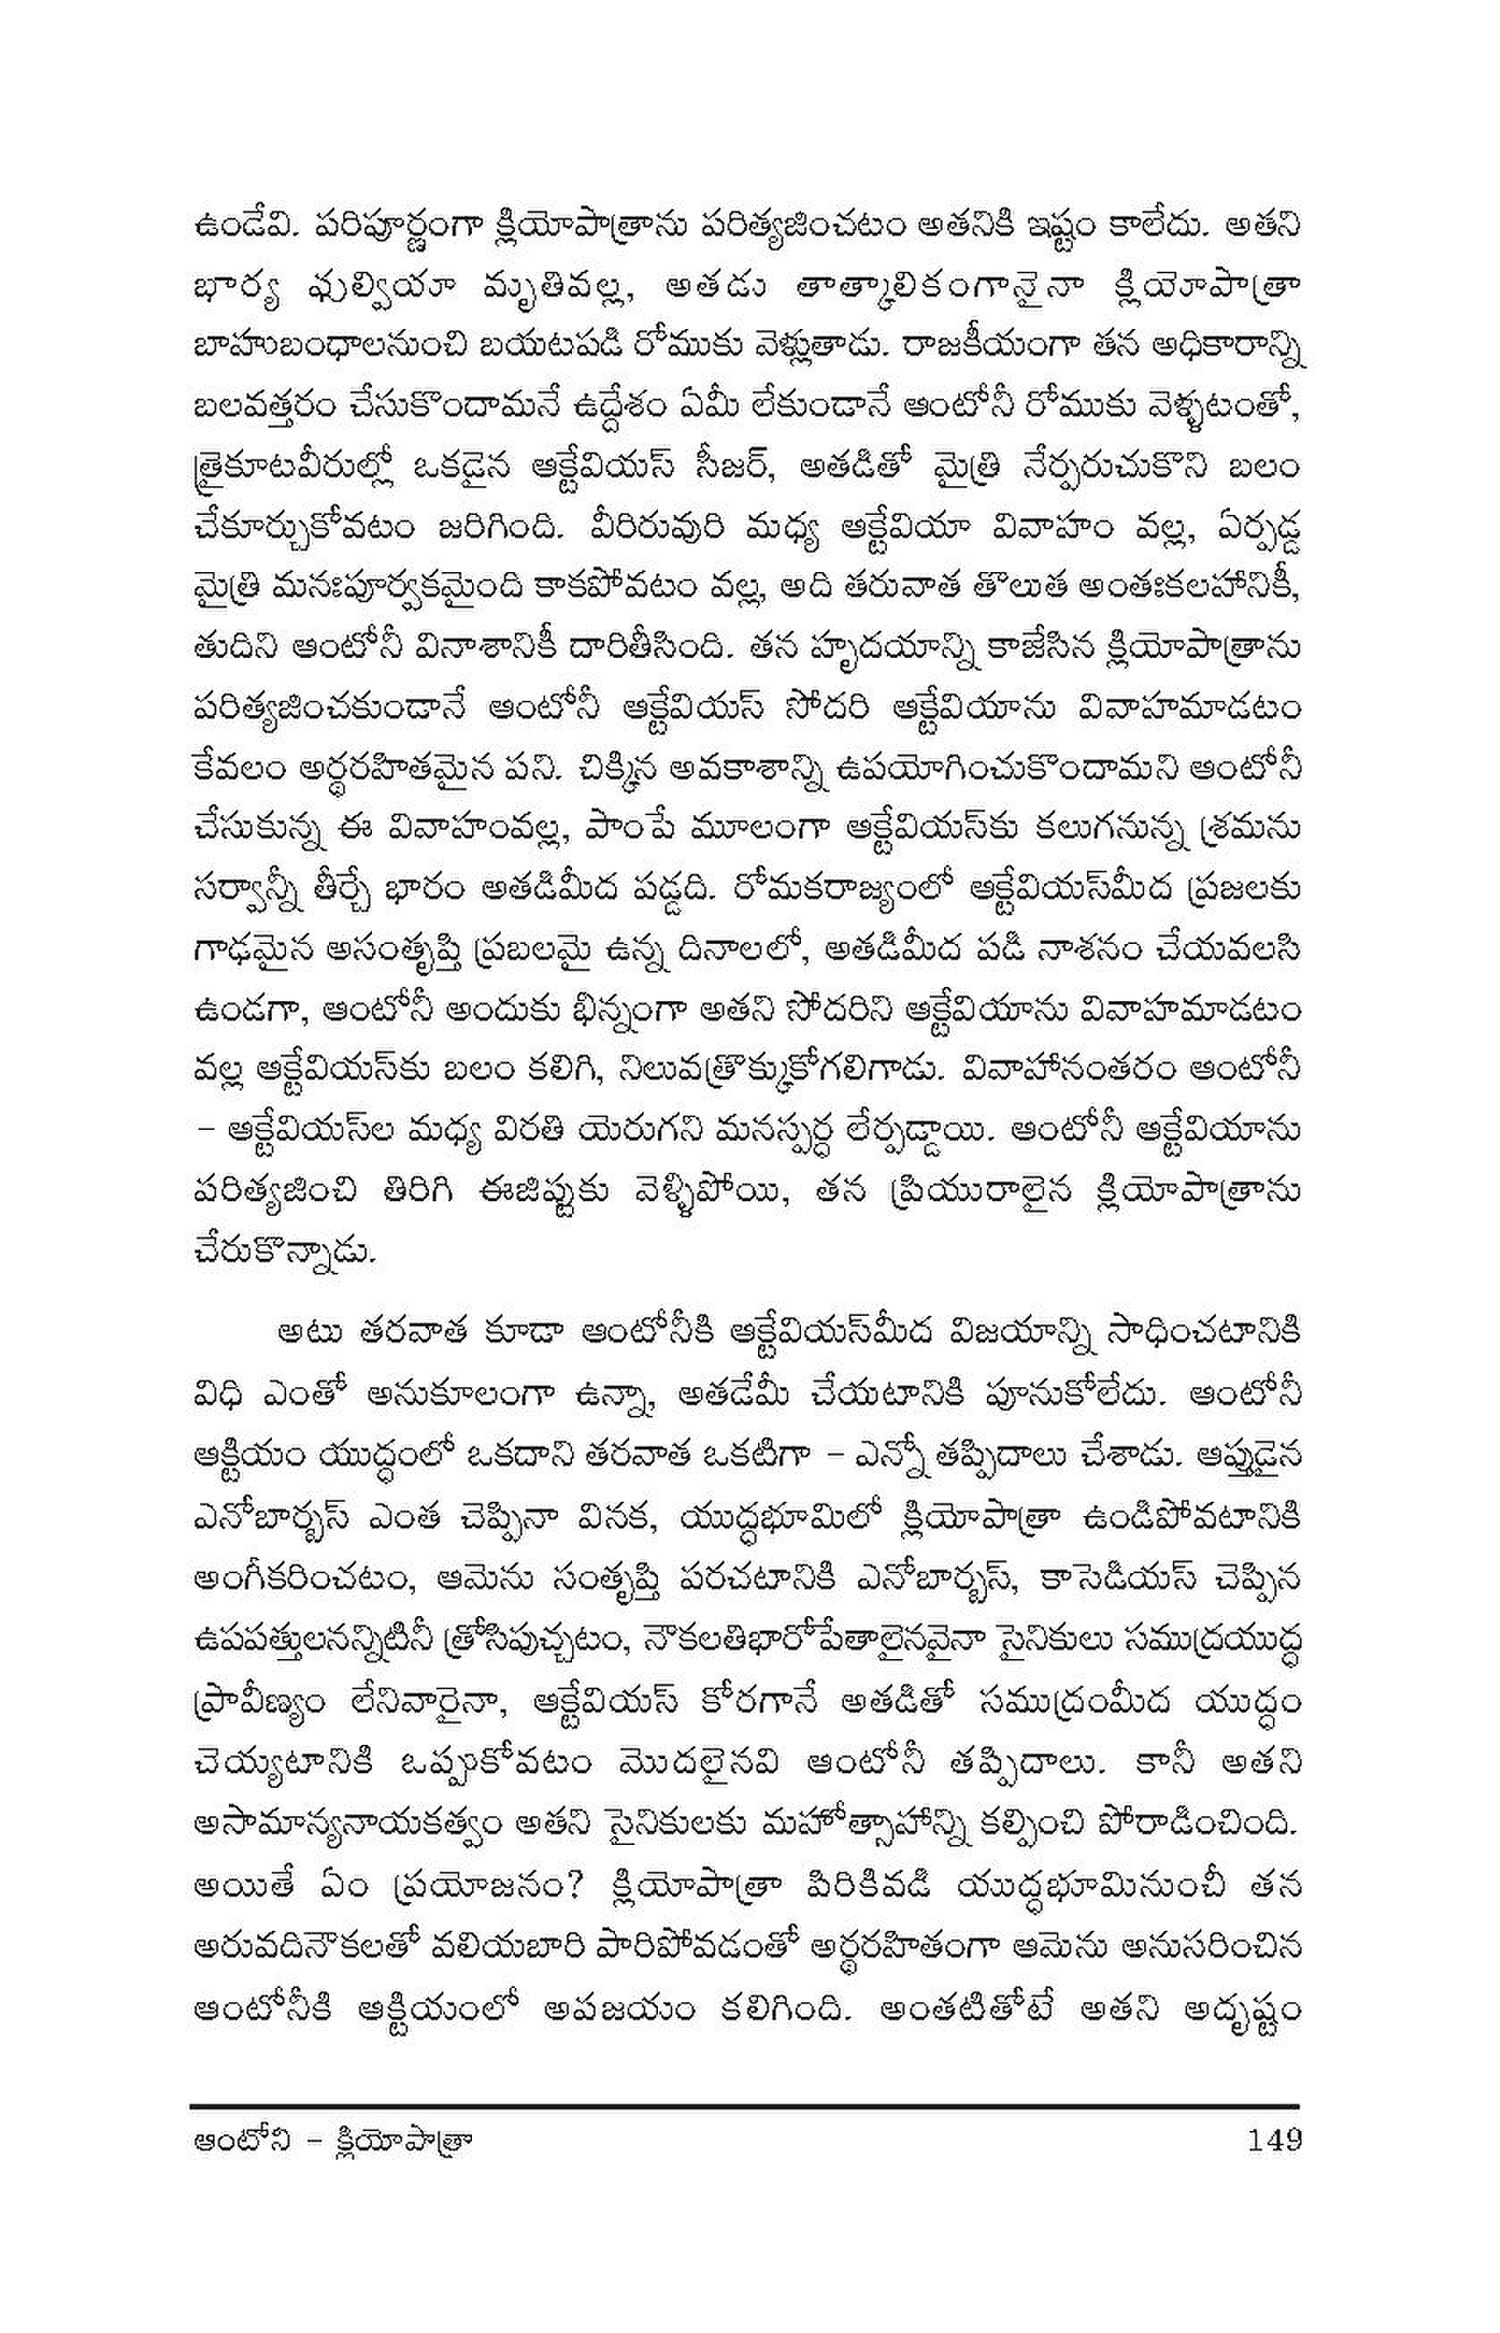ఉండేవి. పరిపూర్ణంగా క్లియోపాత్రాను పరిత్యజించటం అతనికి ఇష్టం కాలేదు. అతని భార్య ముల్వియా మృతివల్ల, అతడు తాత్కాలికంగానైనా క్లియోపాత్రా బాహుబంధాలనుంచి బయటపడి రోముకు వెళ్లుతాడు. రాజకీయంగా తన అధికారాన్ని బలవత్తరం చేసుకొందామనే ఉద్దేశం ఏమీ లేకుండానే ఆంటోనీ రోముకు వెళ్ళటంతో, త్రికూట వీరుల్లో ఒకడైన ఆక్టేవియస్ సీజర్, అతడితో మైత్రి నేర్పరుచుకొని బలం చేకూర్చుకోవటం జరిగింది. వీరిరువురి మధ్య అక్టేవియా వివాహం వల్ల, ఏర్పడ్డ మైత్రి మనఃపూర్వకమైంది కాకపోవటం వల్ల, అది తరువాత తొలుత అంతఃకలహానికీ, తుదిని ఆంటోనీ వినాశానికీ దారితీసింది. తన హృదయాన్ని కాజేసిన క్లియోపాత్రాను పరిత్యజించకుండానే ఆంటోనీ ఆక్టేవియస్ సోదరి ఆక్టేవియాను వివాహమాడటం కేవలం అర్థరహితమైన పని. చిక్కిన అవకాశాన్ని ఉపయోగించుకొందామని ఆంటోనీ
చేసుకున్న ఈ వివాహంవల్ల, పాంపే మూలంగా ఆక్టేవియను కలుగనున్న శ్రమను సర్వాన్నీ తీర్చే భారం అతడిమీద పడ్డది. రోమకరాజ్యంలో ఆక్టేవియస్మీద ప్రజలకు గాఢమైన అసంతృప్తి ప్రబలమై ఉన్న దినాలలో, అతడిమీద పడి నాశనం చేయవలసి
ఉండగా, ఆంటోనీ అందుకు భిన్నంగా అతని సోదరిని ఆక్టేవియాను వివాహమాడటం వల్ల ఆక్టేవియస్కు బలం కలిగి, నిలువత్రొక్కుకోగలిగాడు. వివాహానంతరం ఆంటోనీ
- ఆక్టేవియస్ల మధ్య విరతి యెరుగని మనస్పర్ధ లేర్పడ్డాయి. ఆంటోనీ ఆక్టేవియాను పరిత్యజించి తిరిగి ఈజిప్టుకు వెళ్ళిపోయి, తన ప్రియురాలైన క్లియోపాత్రాను చేరుకొన్నాడు.

అటు తరవాత కూడా ఆంటోనీకి ఆక్టేవియస్ మీద విజయాన్ని సాధించటానికి విధి ఎంతో అనుకూలంగా ఉన్నా, అతడేమీ చేయటానికి పూనుకోలేదు. ఆంటోనీ ఆక్టియం యుద్ధంలో ఒకదాని తరవాత ఒకటిగా - ఎన్నో తప్పిదాలు చేశాడు. ఆప్తుడైన
ఎనోబార్బస్ ఎంత చెప్పినా వినక, యుద్ధభూమిలో క్లియోపాత్రా ఉండిపోవటానికి అంగీకరించటం, ఆమెను సంతృప్తి పరచటానికి ఎనోబార్బస్, కాసెడియస్ చెప్పిన ఉపపత్తులనన్నిటినీ త్రోసిపుచ్చటం, నౌకలతిభారోపేతాలైనవైనా సైనికులు సముద్రయుద్ధ ప్రావీణ్యం లేనివారైనా, ఆక్టేవియస్ కోరగానే అతడితో సముద్రంమీద యుద్ధం చెయ్యటానికి ఒప్పుకోవటం మొదలైనవి అంటోనీ తప్పిదాలు. కానీ అతని
అసామాన్యనాయకత్వం అతని సైనికులకు మహోత్సాహాన్ని కల్పించి పోరాడించింది. అయితే ఏం ప్రయోజనం? క్లియోపాత్రా పిరికివడి యుద్ధభూమినుంచీ తన అరువదినౌకలతో వలియబారి పారిపోవడంతో అర్థరహితంగా ఆమెను అనుసరించిన ఆంటోనీకి ఆక్టియంలో అపజయం కలిగింది. అంతటితోటే అతని అదృష్టం